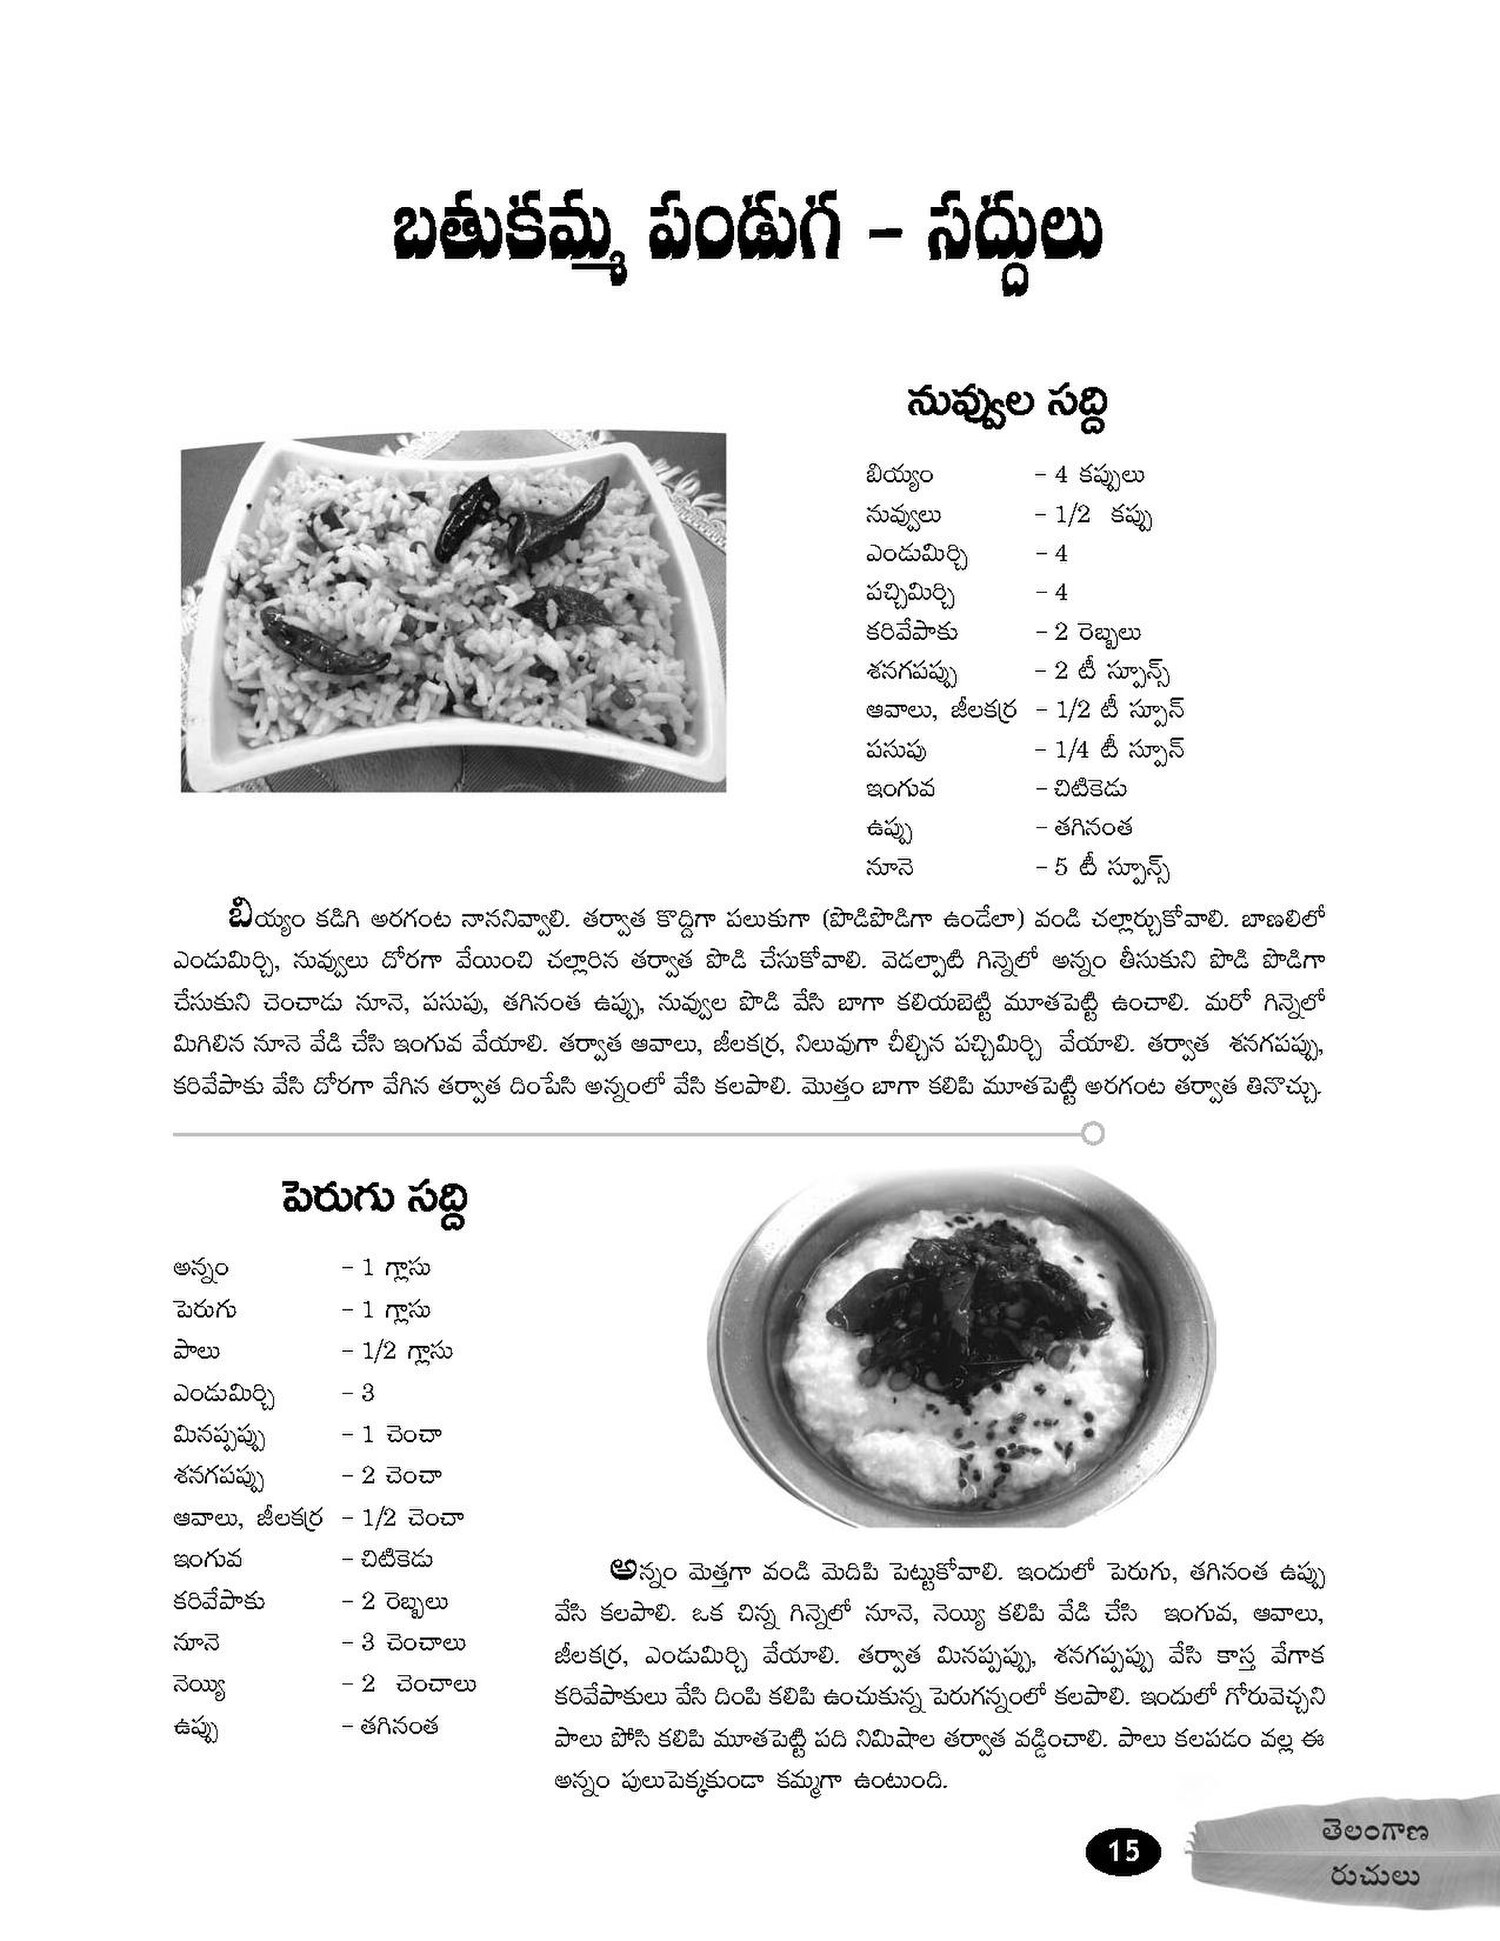+ నువ్వుల సద్ది శీర్షిక పాఠ్యం శీర్షిక పాఠ్యం బియ్యం 4 కప్పులు నువ్వులు 1/2 కప్పు ఎండుమిర్చి 4 పచ్చిమిర్చి 4 కరివేపాకు 2 రెబ్బలు శనగపప్పు 2 టీ స్పూన్స్ ఆవాలు, జీలకర్ర 1/2 టీ స్పూన్ పసుపు 1/4 టీ స్పూన్ ఇంగువ చిటికెడు ఉపు తగినంత నూనె 5 టీ స్పూన్స్
బియ్యం కడిగి అరగంట నాననివ్వాలి. తర్వాత కొద్దిగా పలుకుగా (పొడిపొడిగా ఉండేలా) వండి చల్లార్చుకోవాలి. బాణలిలో ఎండుమిర్చి, నువ్వులు దోరగా వేయించి చల్లారిన తర్వాత పొడి చేసుకోవాలి. వెడల్పాటి గిన్నెలో అన్నం తీసుకుని పొడి పొడిగా చేసుకుని చెంచాడు నూనె, పసుపు, తగినంత ఉప్పు, నువ్వుల పొడి వేసి బాగా కలియబెట్టి మూతపెట్టి ఉంచాలి. మరో గిన్నెలో మిగిలిన నూనె వేడి చేసి ఇంగువ వేయాలి. తర్వాత ఆవాలు, జీలకర్ర, నిలువుగా చీల్చిన పచ్చిమిర్చి వేయాలి. తర్వాత శనగపప్పు, కరివేపాకు వేసి దోరగా వేగిన తర్వాత దింపేసి అన్నంలో వేసి కలపాలి. మొత్తం బాగా కలిపి మూతపెట్టి అరగంట తర్వాత తినొచ్చు.

+ పెరుగు సద్ది అన్నం 1 గ్లాసు పెరుగు 1 గ్లాసు పాలు 1/2 గ్లాసు ఎండుమిర్చి 3 మినప్పప్పు 1 చెంచా శనగపప్పు 2 చెంచా ఆవాలు, జీలకర్ర 1/2 చెంచా ఇంగువ చిటికెడు కరివేపాకు 2 రెబ్బలు నూనె 3 చెంచాలు నెయ్యి 2 చెంచాలు ఉప్పు తగినంత
అన్నం మెత్తగా వండి మెదిపి పెట్టుకోవాలి. ఇందులో పెరుగు, తగినంత ఉప్పు వేసి కలపాలి. ఒక చిన్న గిన్నెలో నూనె, నెయ్యి కలిపి వేడి చేసి ఇంగువ, ఆవాలు, జీలకర్ర, ఎండుమిర్చి వేయాలి. తర్వాత మినప్పప్పు, శనగపప్పు వేసి కాస్త వేగాక కరివేపాకులు వేసి దింపి కలిపి ఉంచుకున్న పెరుగన్నంలో కలపాలి. ఇందులో గోరువెచ్చని పాలు పోసి కలిపి మూతపెట్టి పది నిమిషాల తర్వాత వడ్డించాలి. పాలు కలపడం వల్ల ఈ అన్నం పులుపెక్కకుండా కమ్మగా ఉంటుంది.